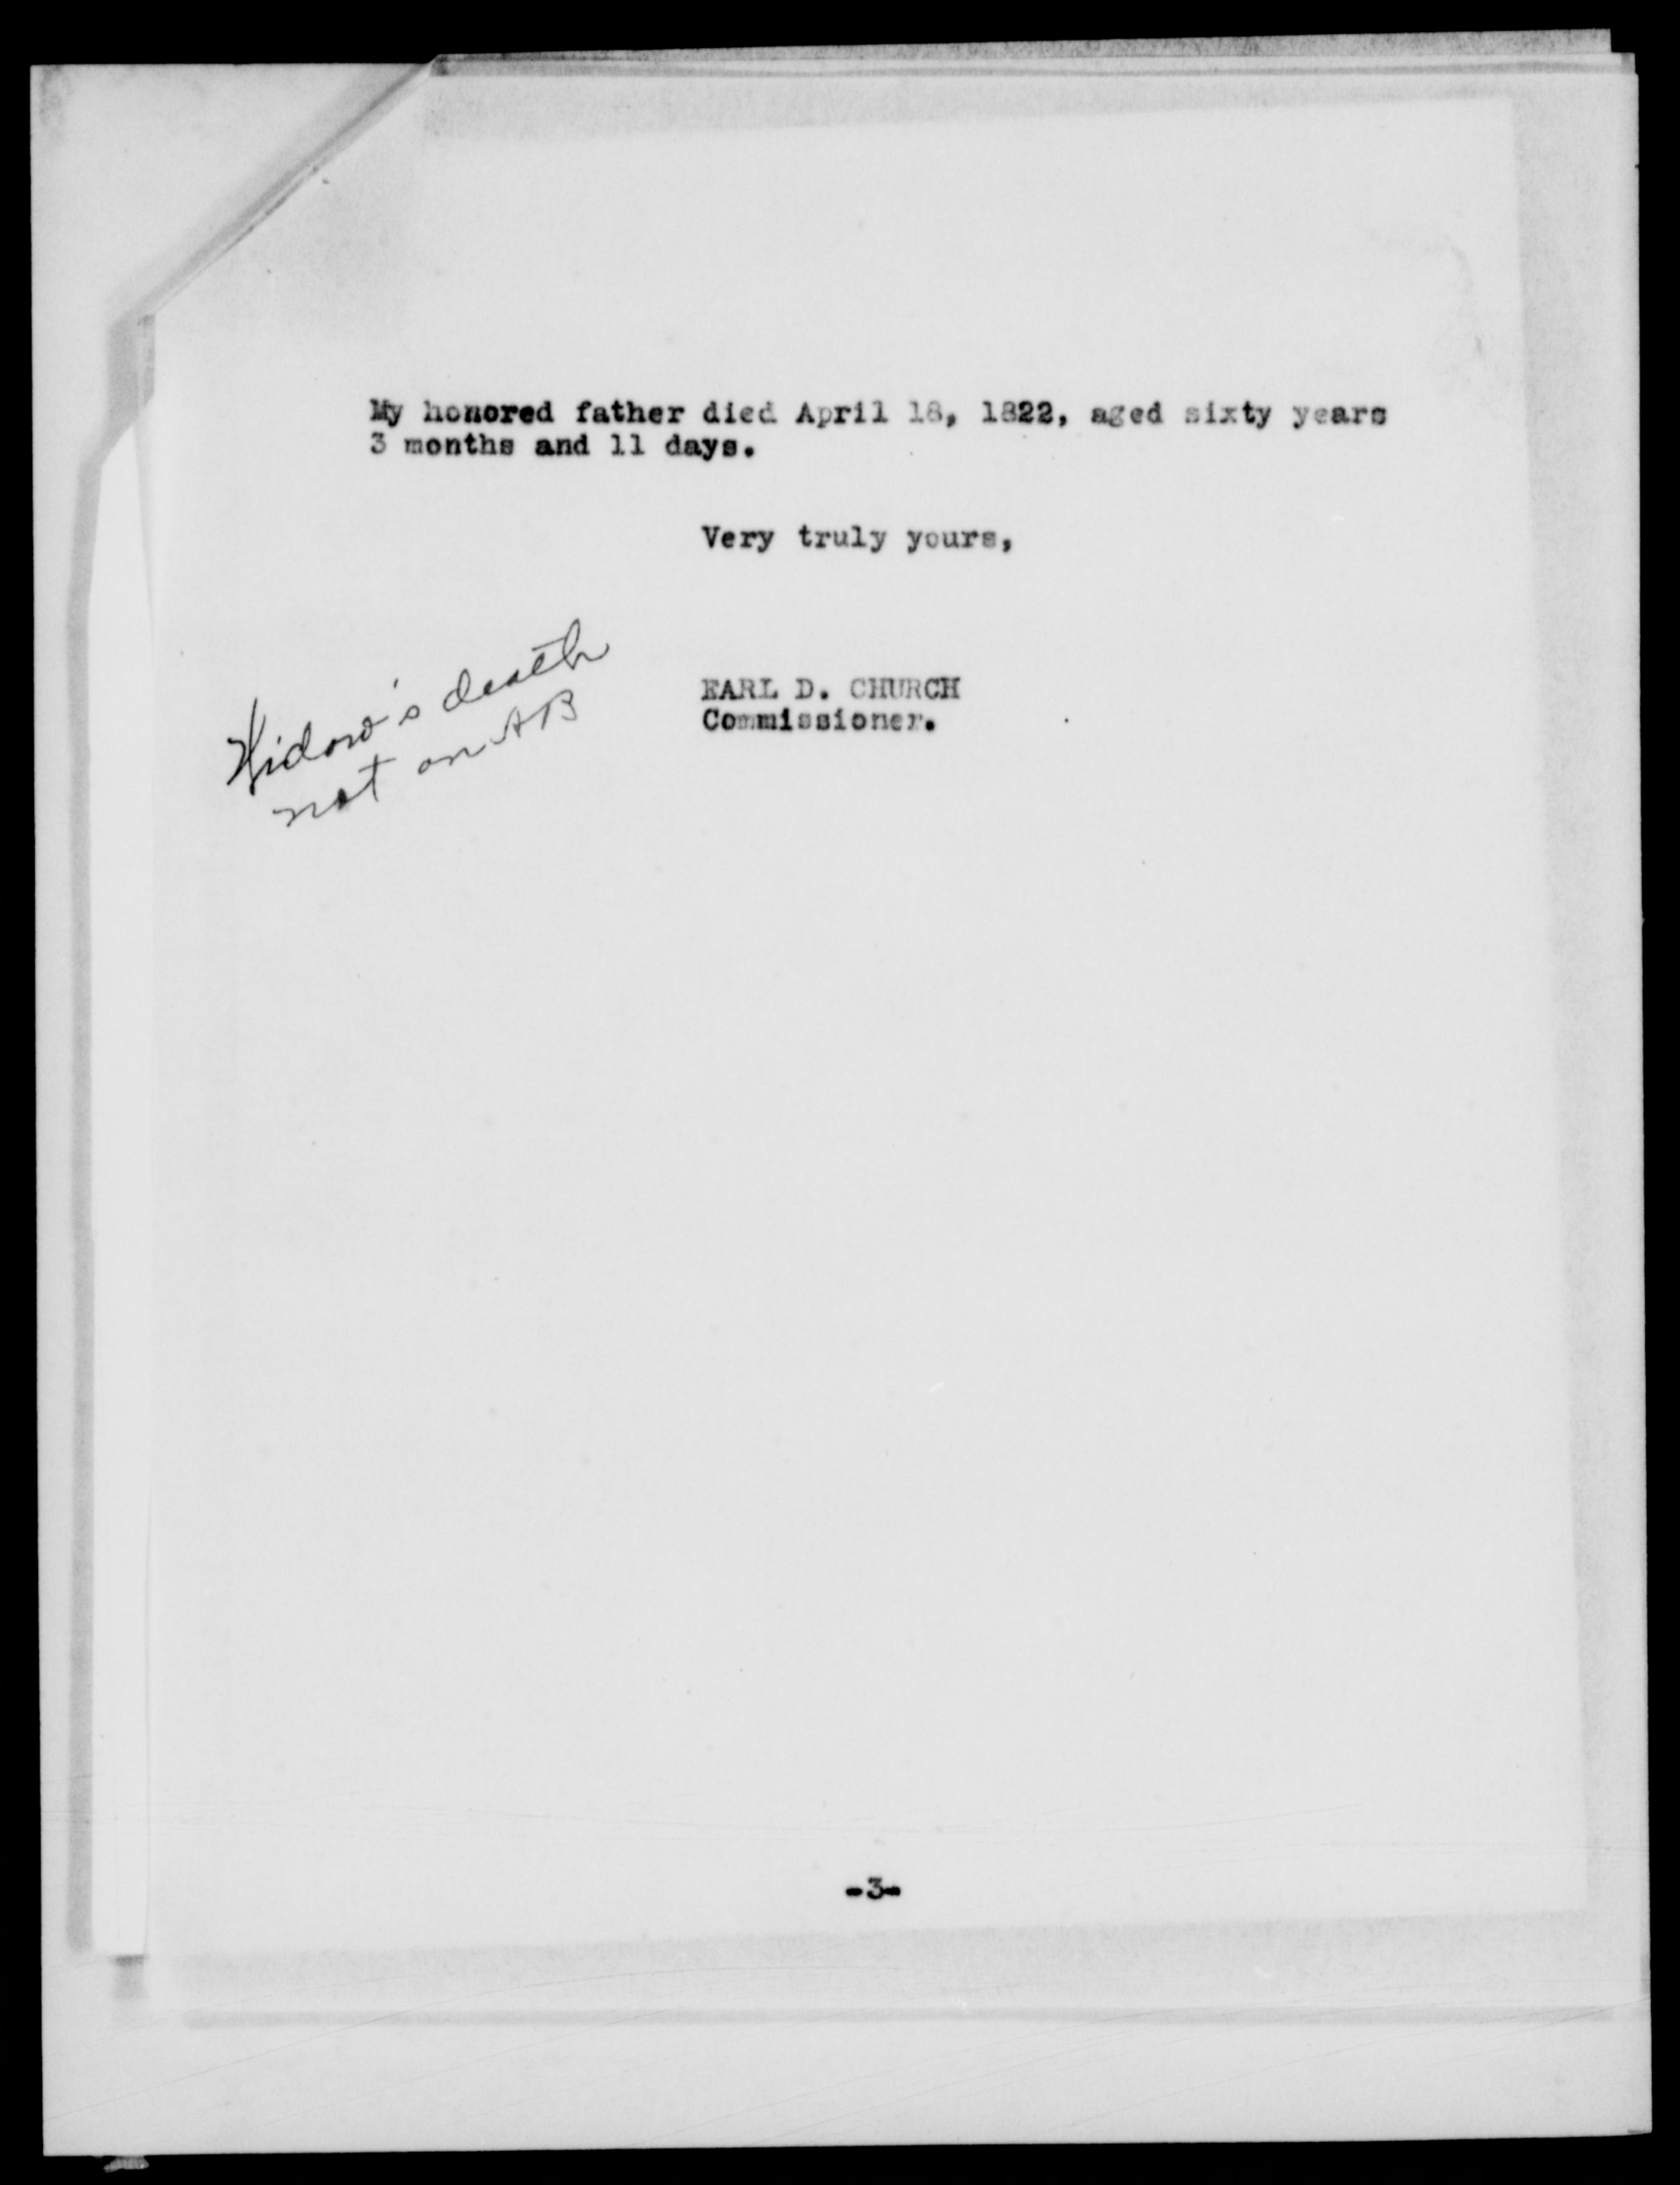My honored father died April 18, 1822, aged sixty years
3 months and 11 days.
Very truly yours,
EARL D. CHURCH
Commissioner.
Widow's death not on AB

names: Earl D Church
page: 69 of 78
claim: widow's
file: W. 25856, Samuel Way, N.H.